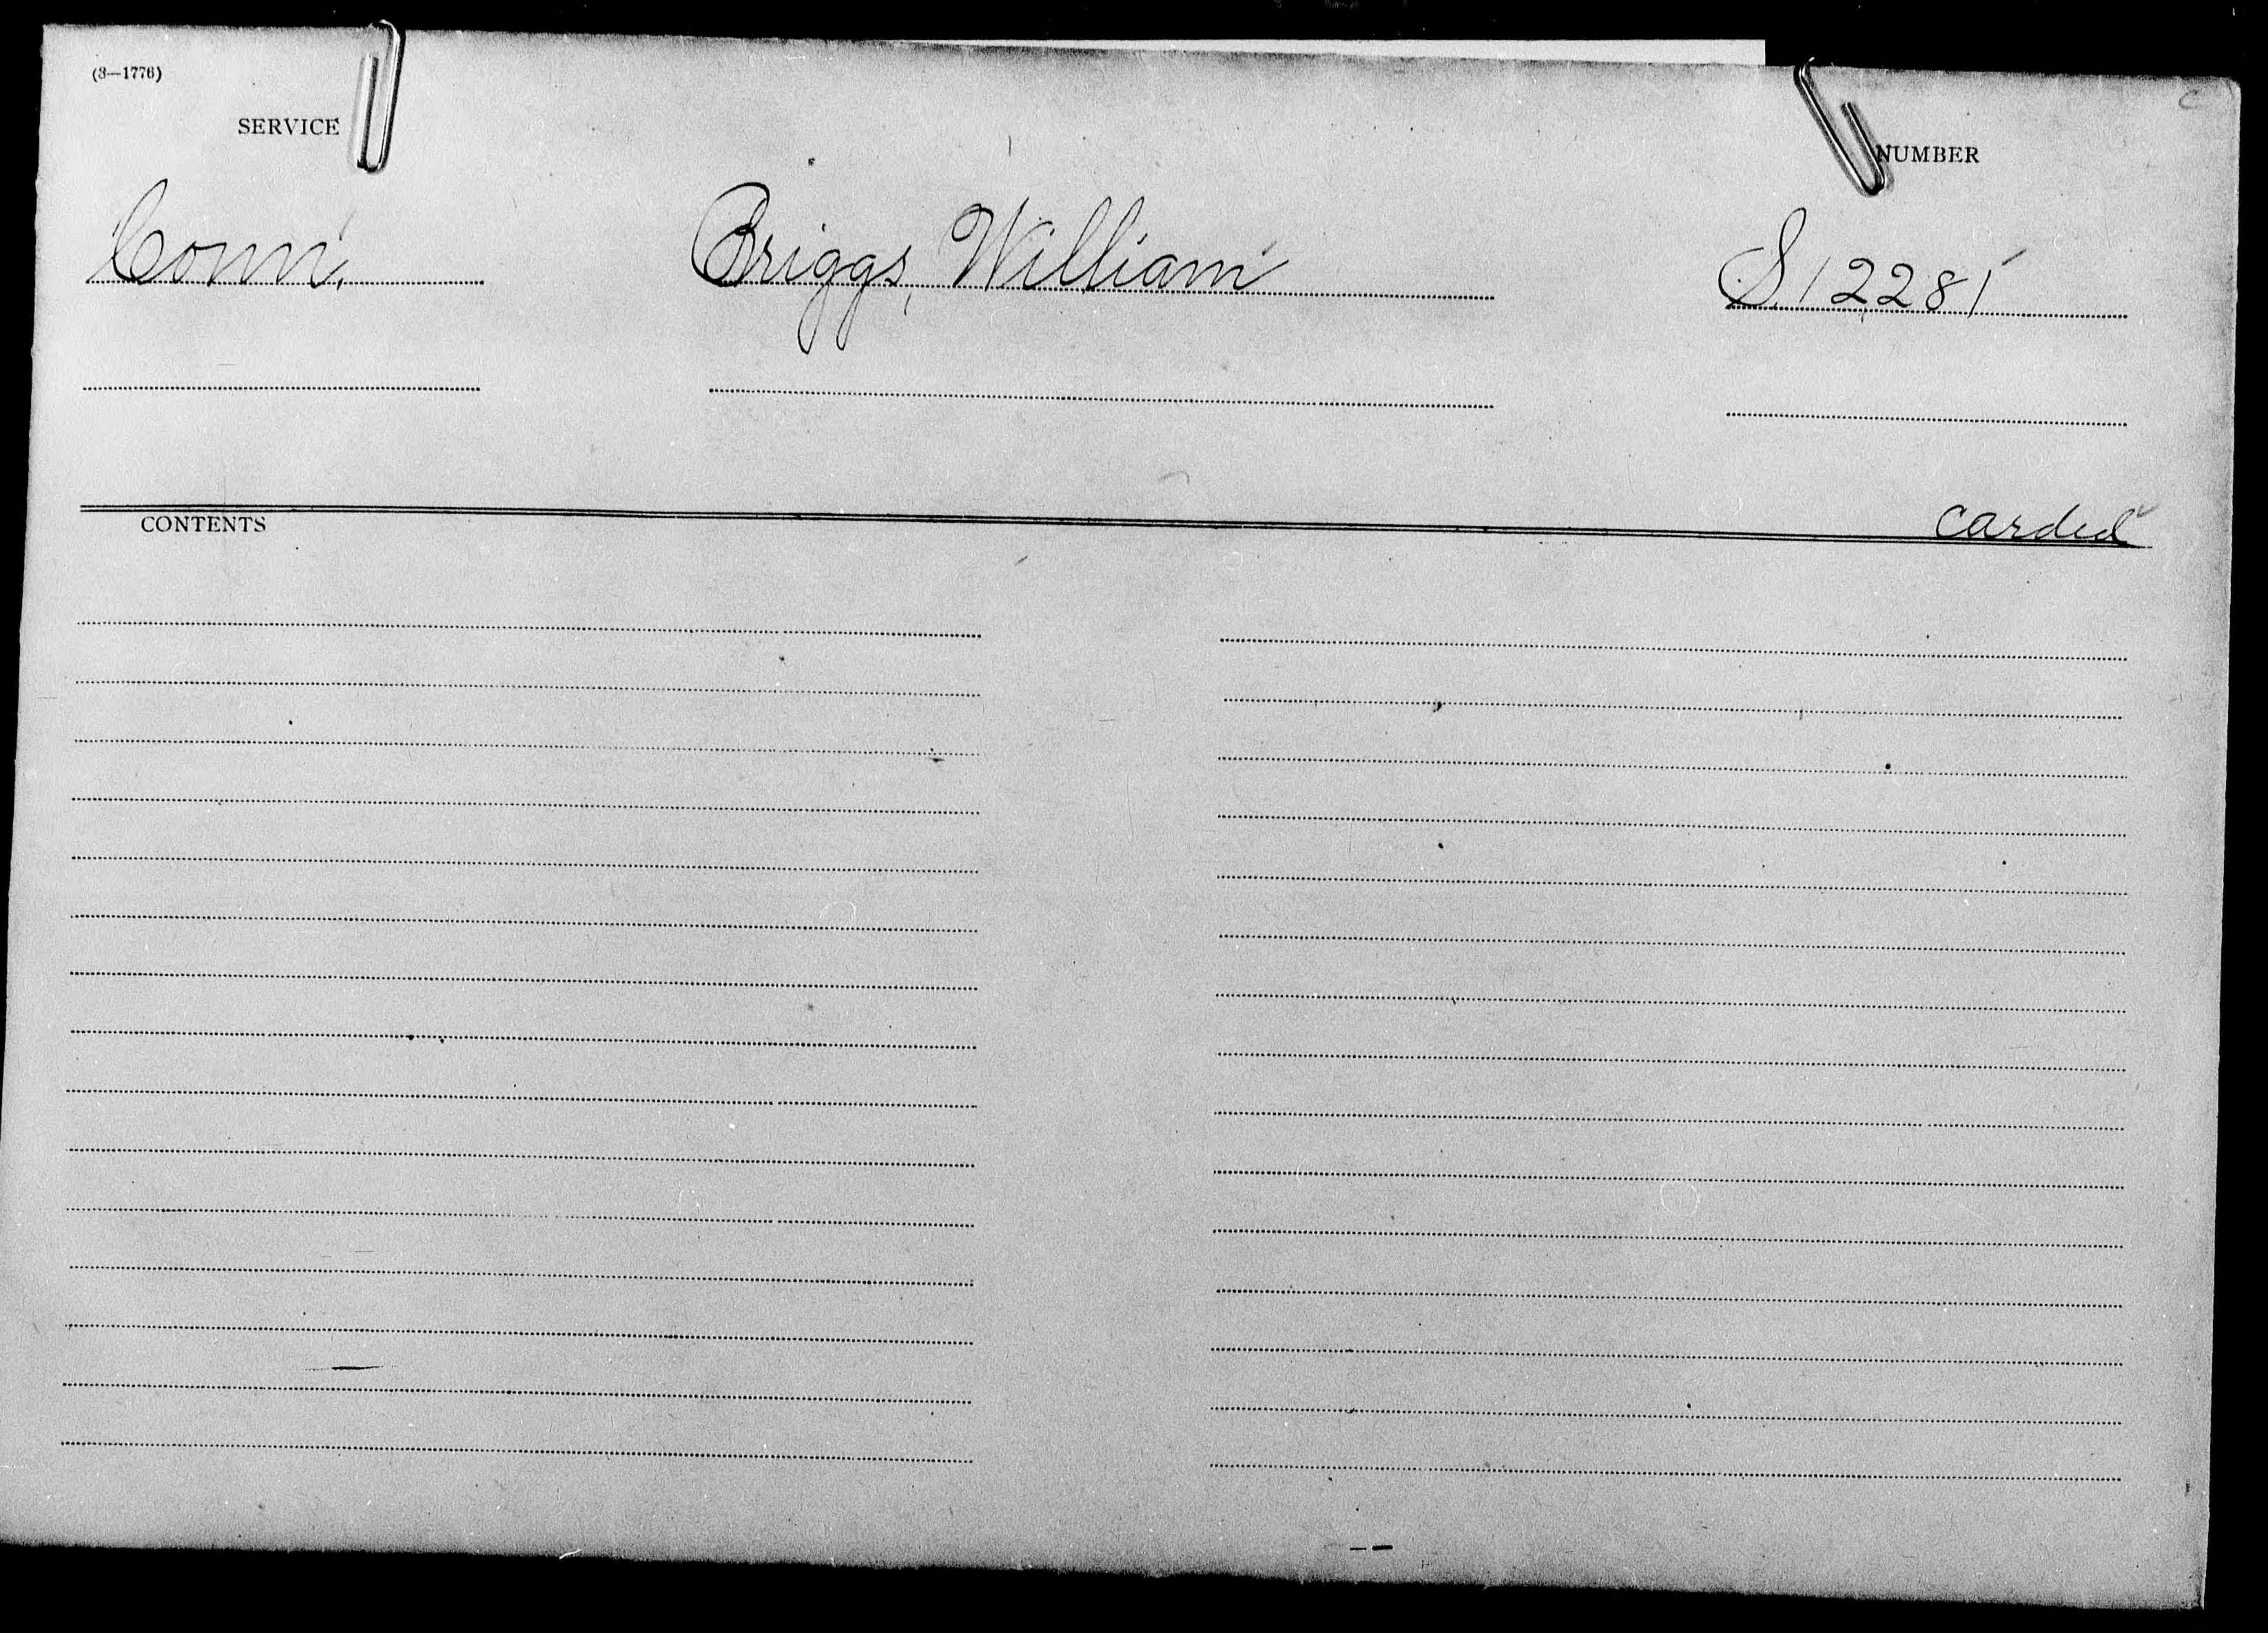(3-1776)

SERVICE NUMBER
Conn. Briggs, William S12,281 

carded
CONTENTS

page: 1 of 37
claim: survivor's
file: S. 12,281, William Briggs, Conn.